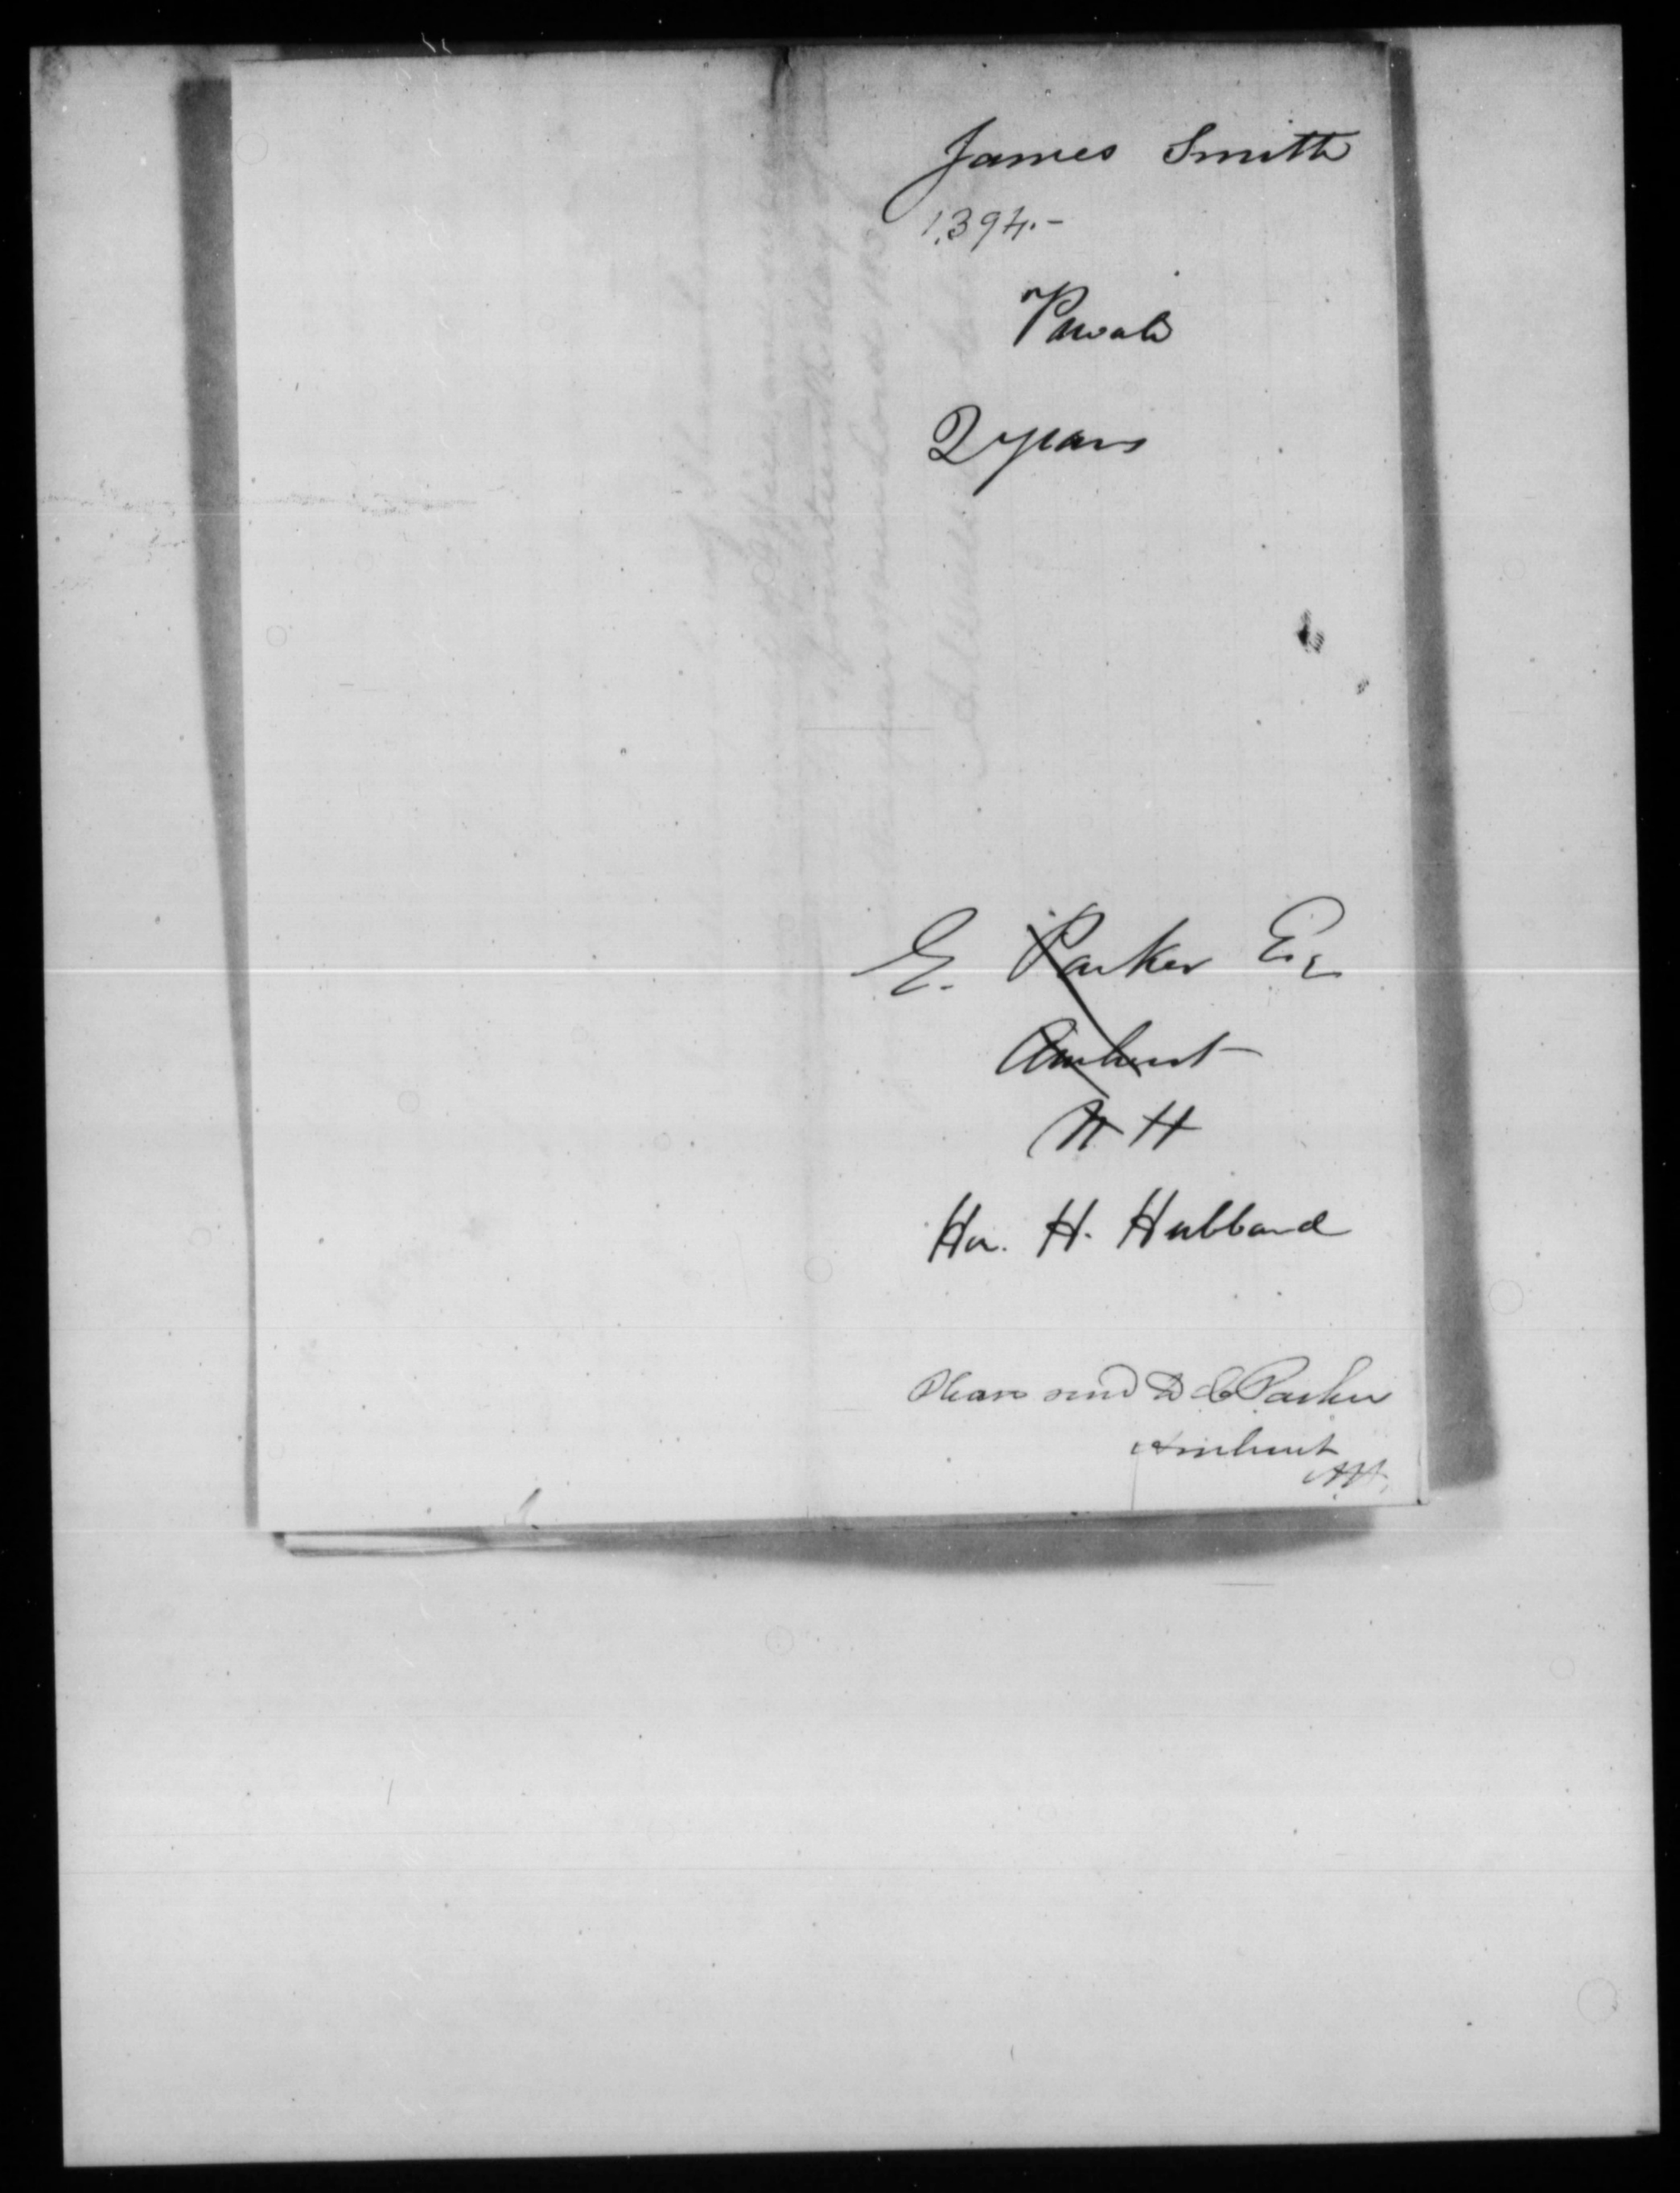James Smith
____
T----
2 years
G Parker Esq
______
MH
Hon. H Hubbard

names: James Smith; H Hubbard; E Parker; D C Parker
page: 17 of 55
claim: widow's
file: W 19058, for James Smith, Massachusetts